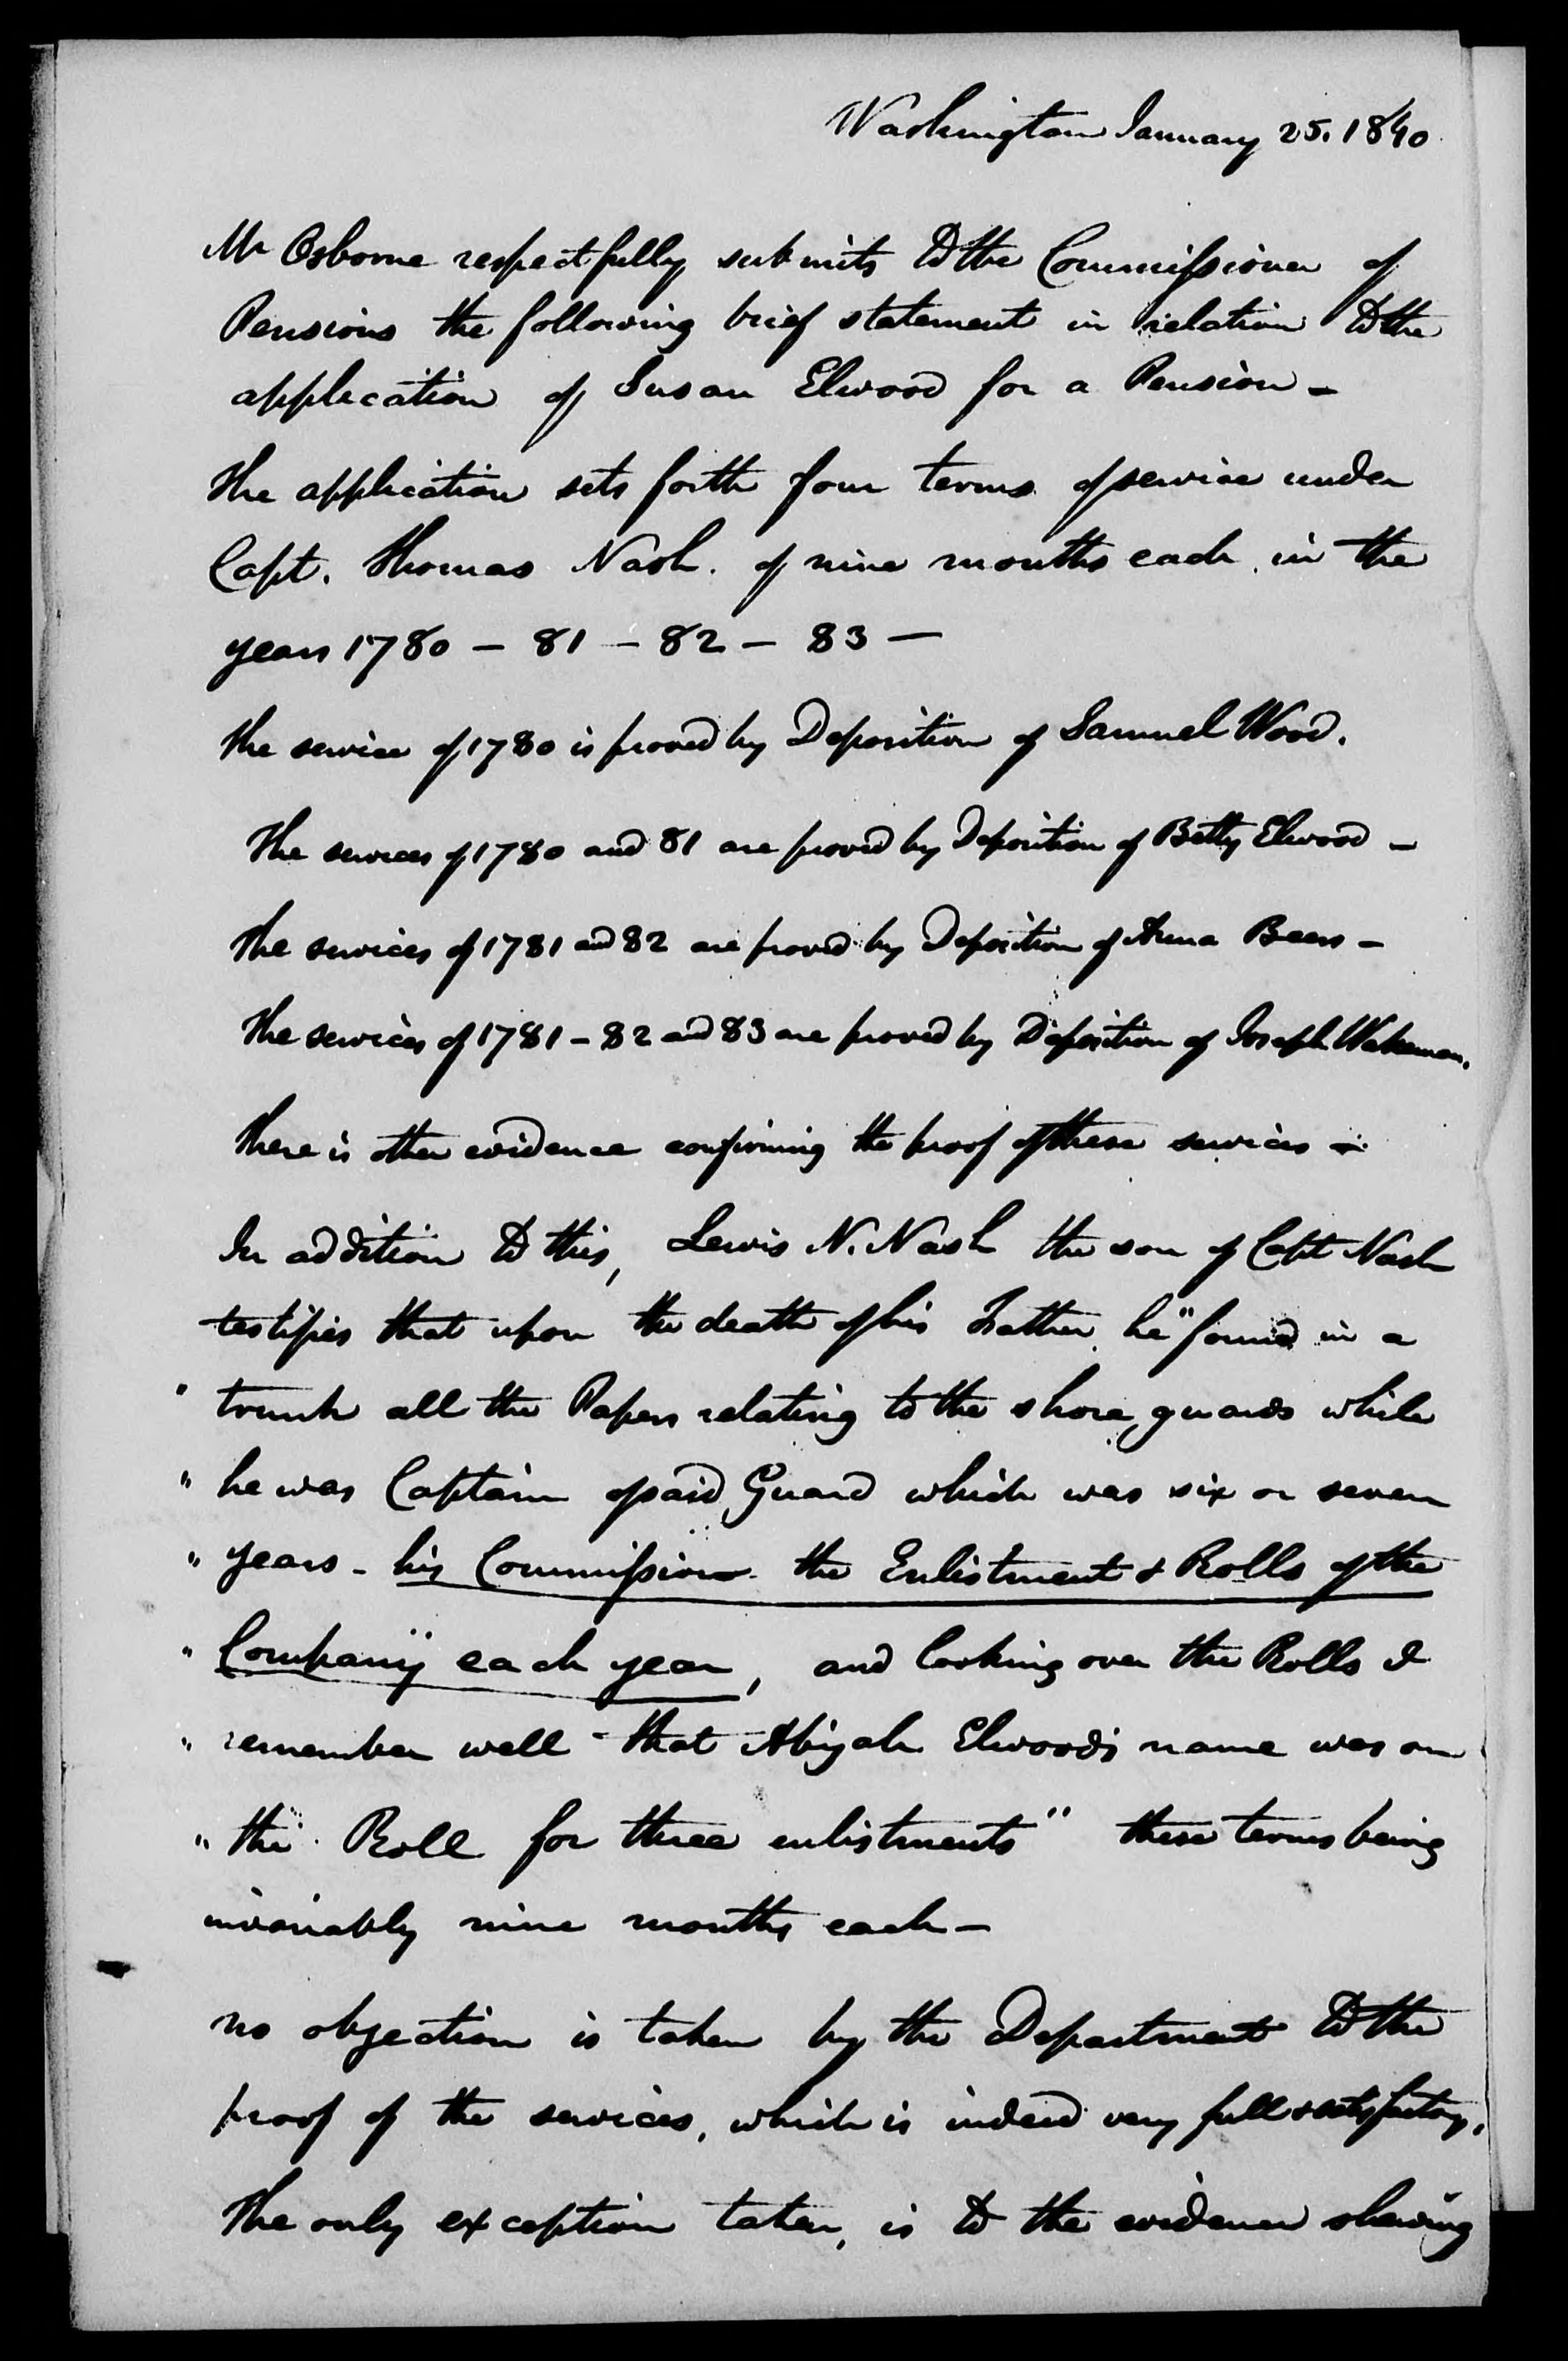Washington Hanuary 25, 1840

Mr Osborne respectfully submits with the Commission of Pensions the following brief statement in relation to the application of Susan Elwood for a pension-The application sets forth four terms of service under Capt. Thomas Nash of nine months each in the years 1780-81-82-83-
The service of 1780 is proved by Deposition of Samuel Wood.
The service of 1780 and 81 are proved by Deposition of Betty Elwood.
The services of 1781 and 82 are proved by Deposition of Anna Beers.
The service of 1781-82-83 are proved by Deposition of Joseph Wakeman.
There is evidence confirming the proof of these services. In addition to this, Lewis N Nash the son of Capt Nash testifies that upon the death of his father he "found in a truth all the papers relating to the shore guards while he was Captain of daid guard which was six or seven years-his Commission the Enlistment  & Rolls of the Company each year, and looking over the Rolls I remember well that Abijah Elwood's name was on the Roll for three enlistments" these terms being invariably nine months each- no objection is taken by the Depontent to the proof of the services, which is indeed very full & satisfactory. The only exception taken is to the evidence showing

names: Nash, Lewis N Nash, Samuel Wood, Susan Elwood, Abijah Elwood, Anna Beers, Osborne, Betty Elwood, Thomas Nash, Joseph Wakeman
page: 22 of 69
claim: widow's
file: W. 25562, Abijah Elwood, Conn.